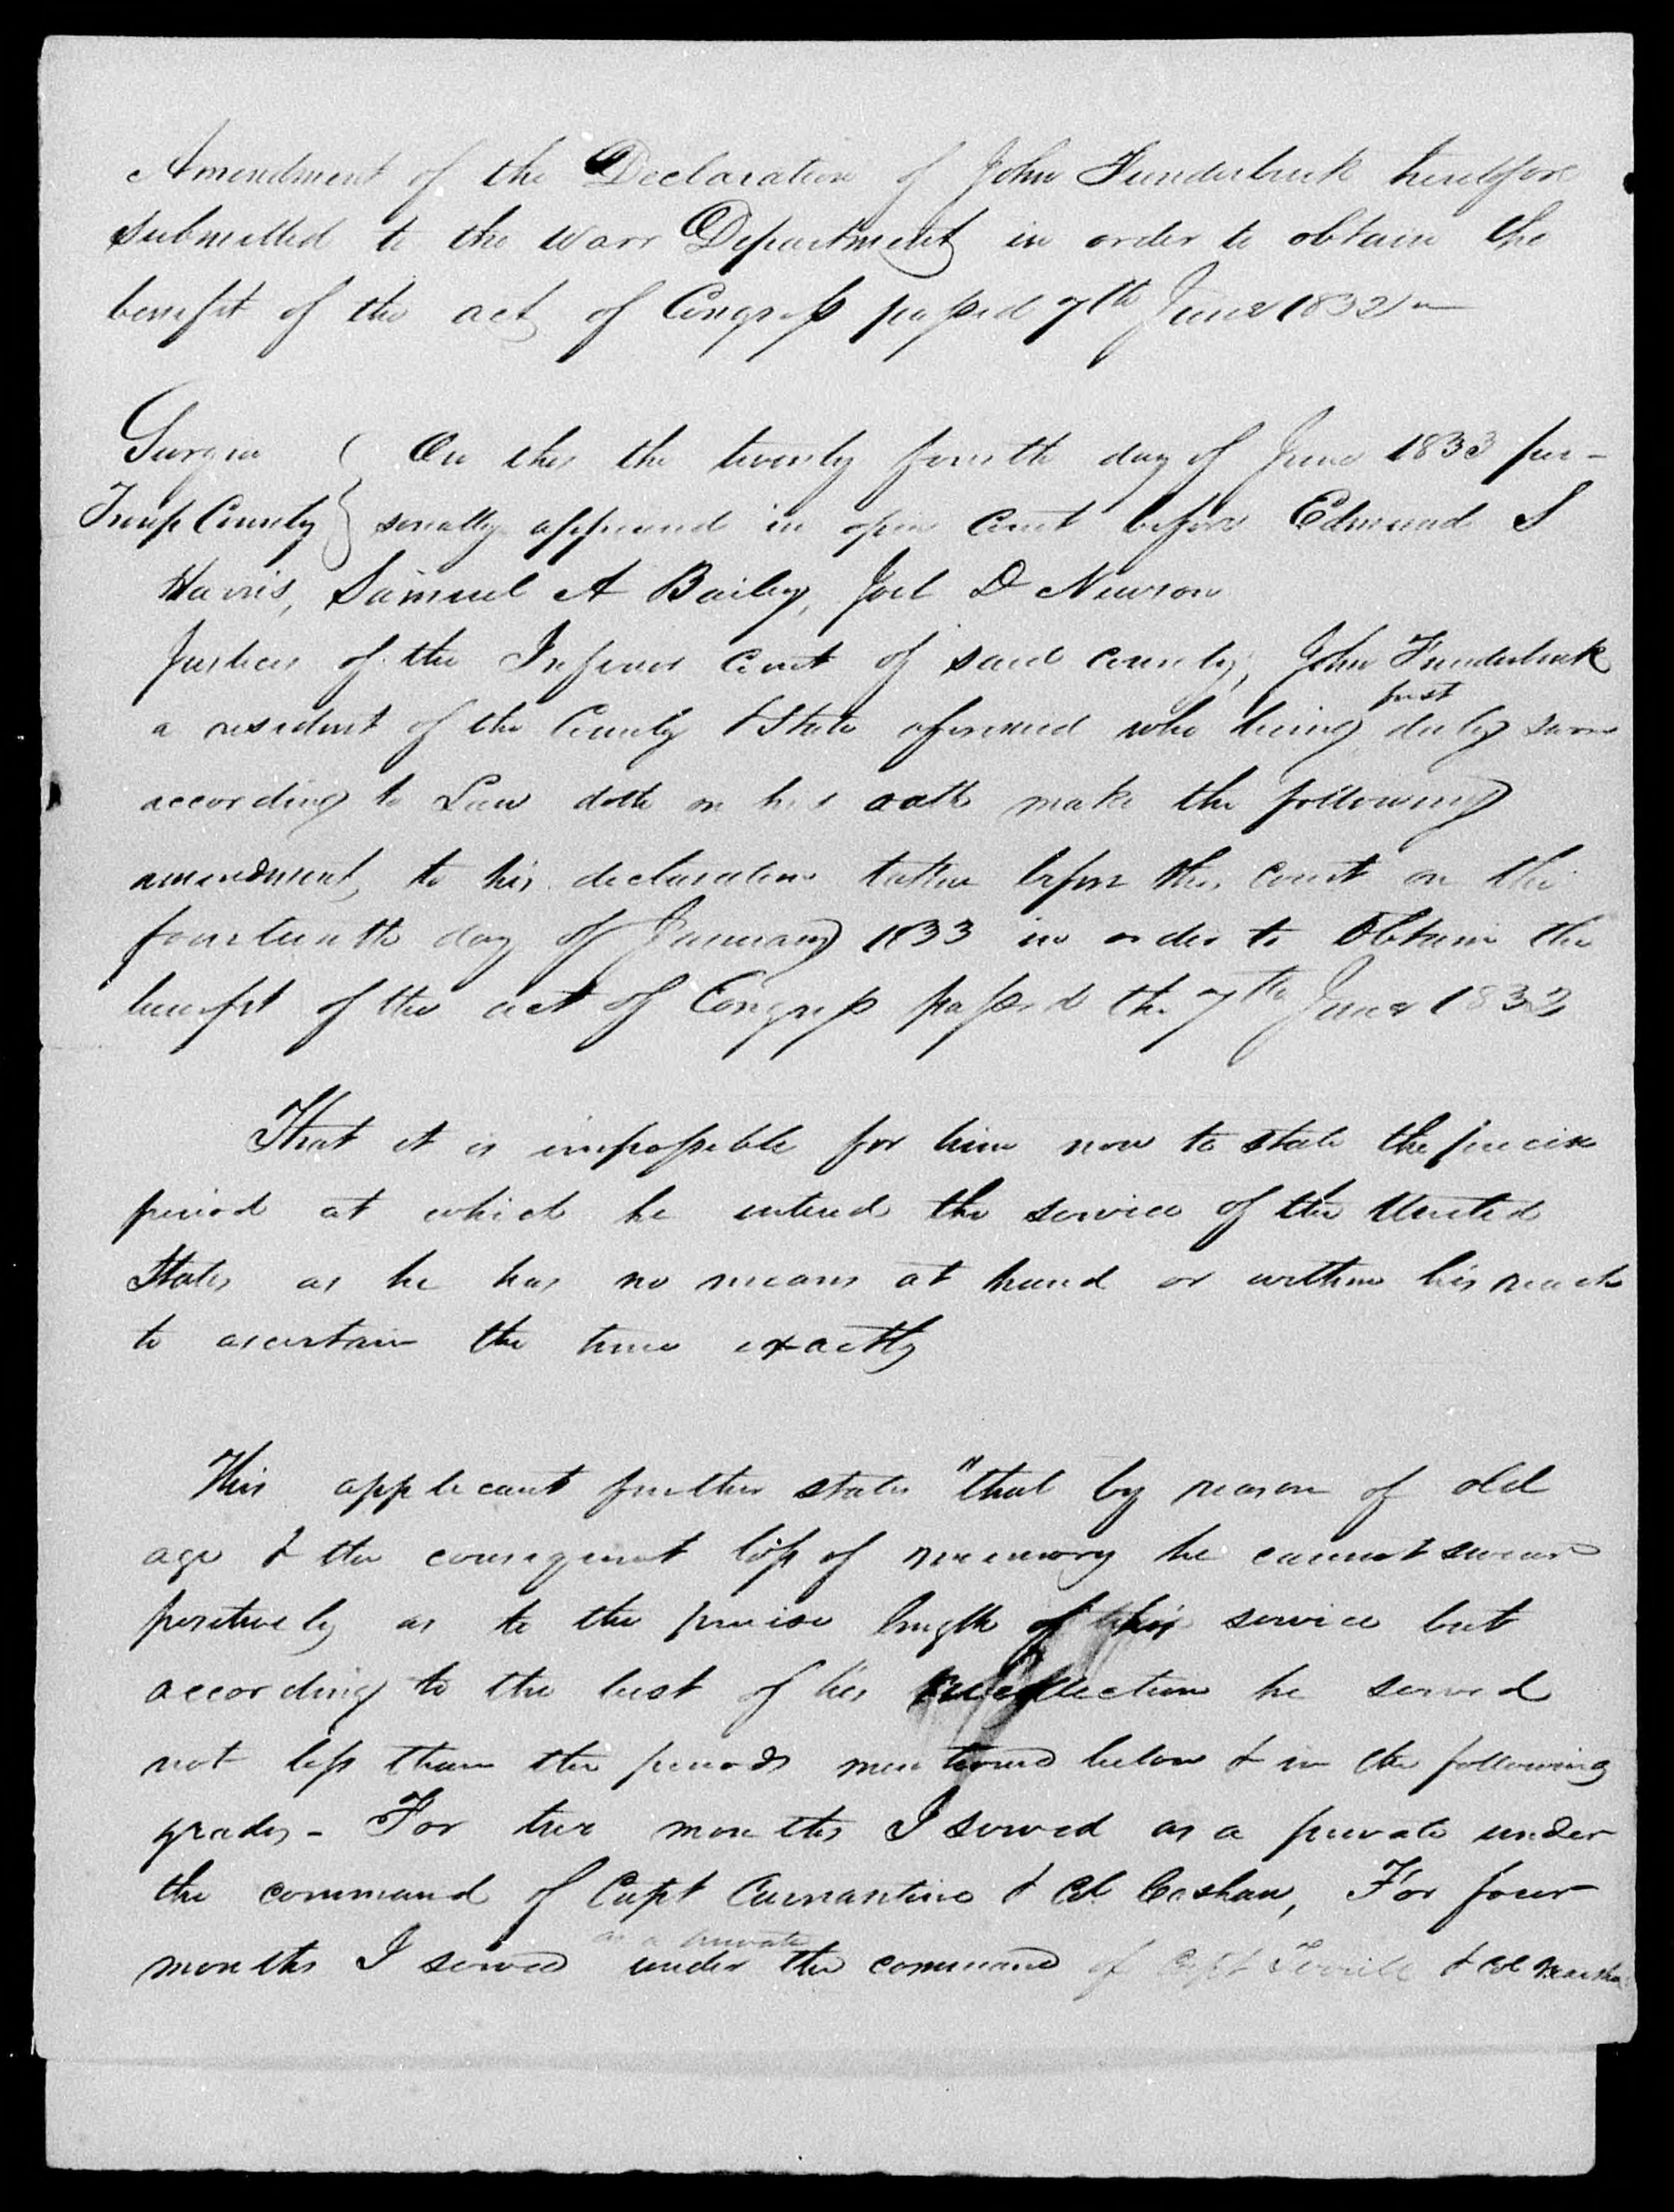Amendment of the Declaration of John Funderburk heretofore
submitted to the Warr Department in order to obtain the
benefit of the act of Congress passed 7th June 1832 ~

Georgia
Troup County / On this the twenty fourth day of June 1833 per-
sonally appeared in open court before Edmund S 
Harris, Samuel A Bailey, Joel D Newsom
Justices of the Inferior Court of said county; John Funderbuck
a resident of the county & state aforesaid who having just duly sworn
according to Law doth on his oath make the following
amendment to his declarations taken before the court on the
fourteenth day of January 1833 in order to obtain the 
benefit of the act of Congress passed the 7th June 1832

That it is impossible for him now to state the precise
period at which he entered the service of the United
States as he has no means at hand or within his reach
to ascertain the time exactly

This applicant further states "that by reason of old
age & the consequent loss of memory he cannot swear
positively as to the precise length of his service but
according to the best of his recollection he served
not less than the period mentioned below & in the following
grades. For two months I served as a private under
the command of Capt Curnantine & Col. Coshan, For four
months I served as a private under the command of Capt Terrill & Col Warsha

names: John Funderburk, Carnantine, John Funderburk, Samuel A Bailey, Cashaw, Joel D Newson, Edmund S Harris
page: 9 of 23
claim: survivor's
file: S. 31,682, John Funderbuck, S.C.